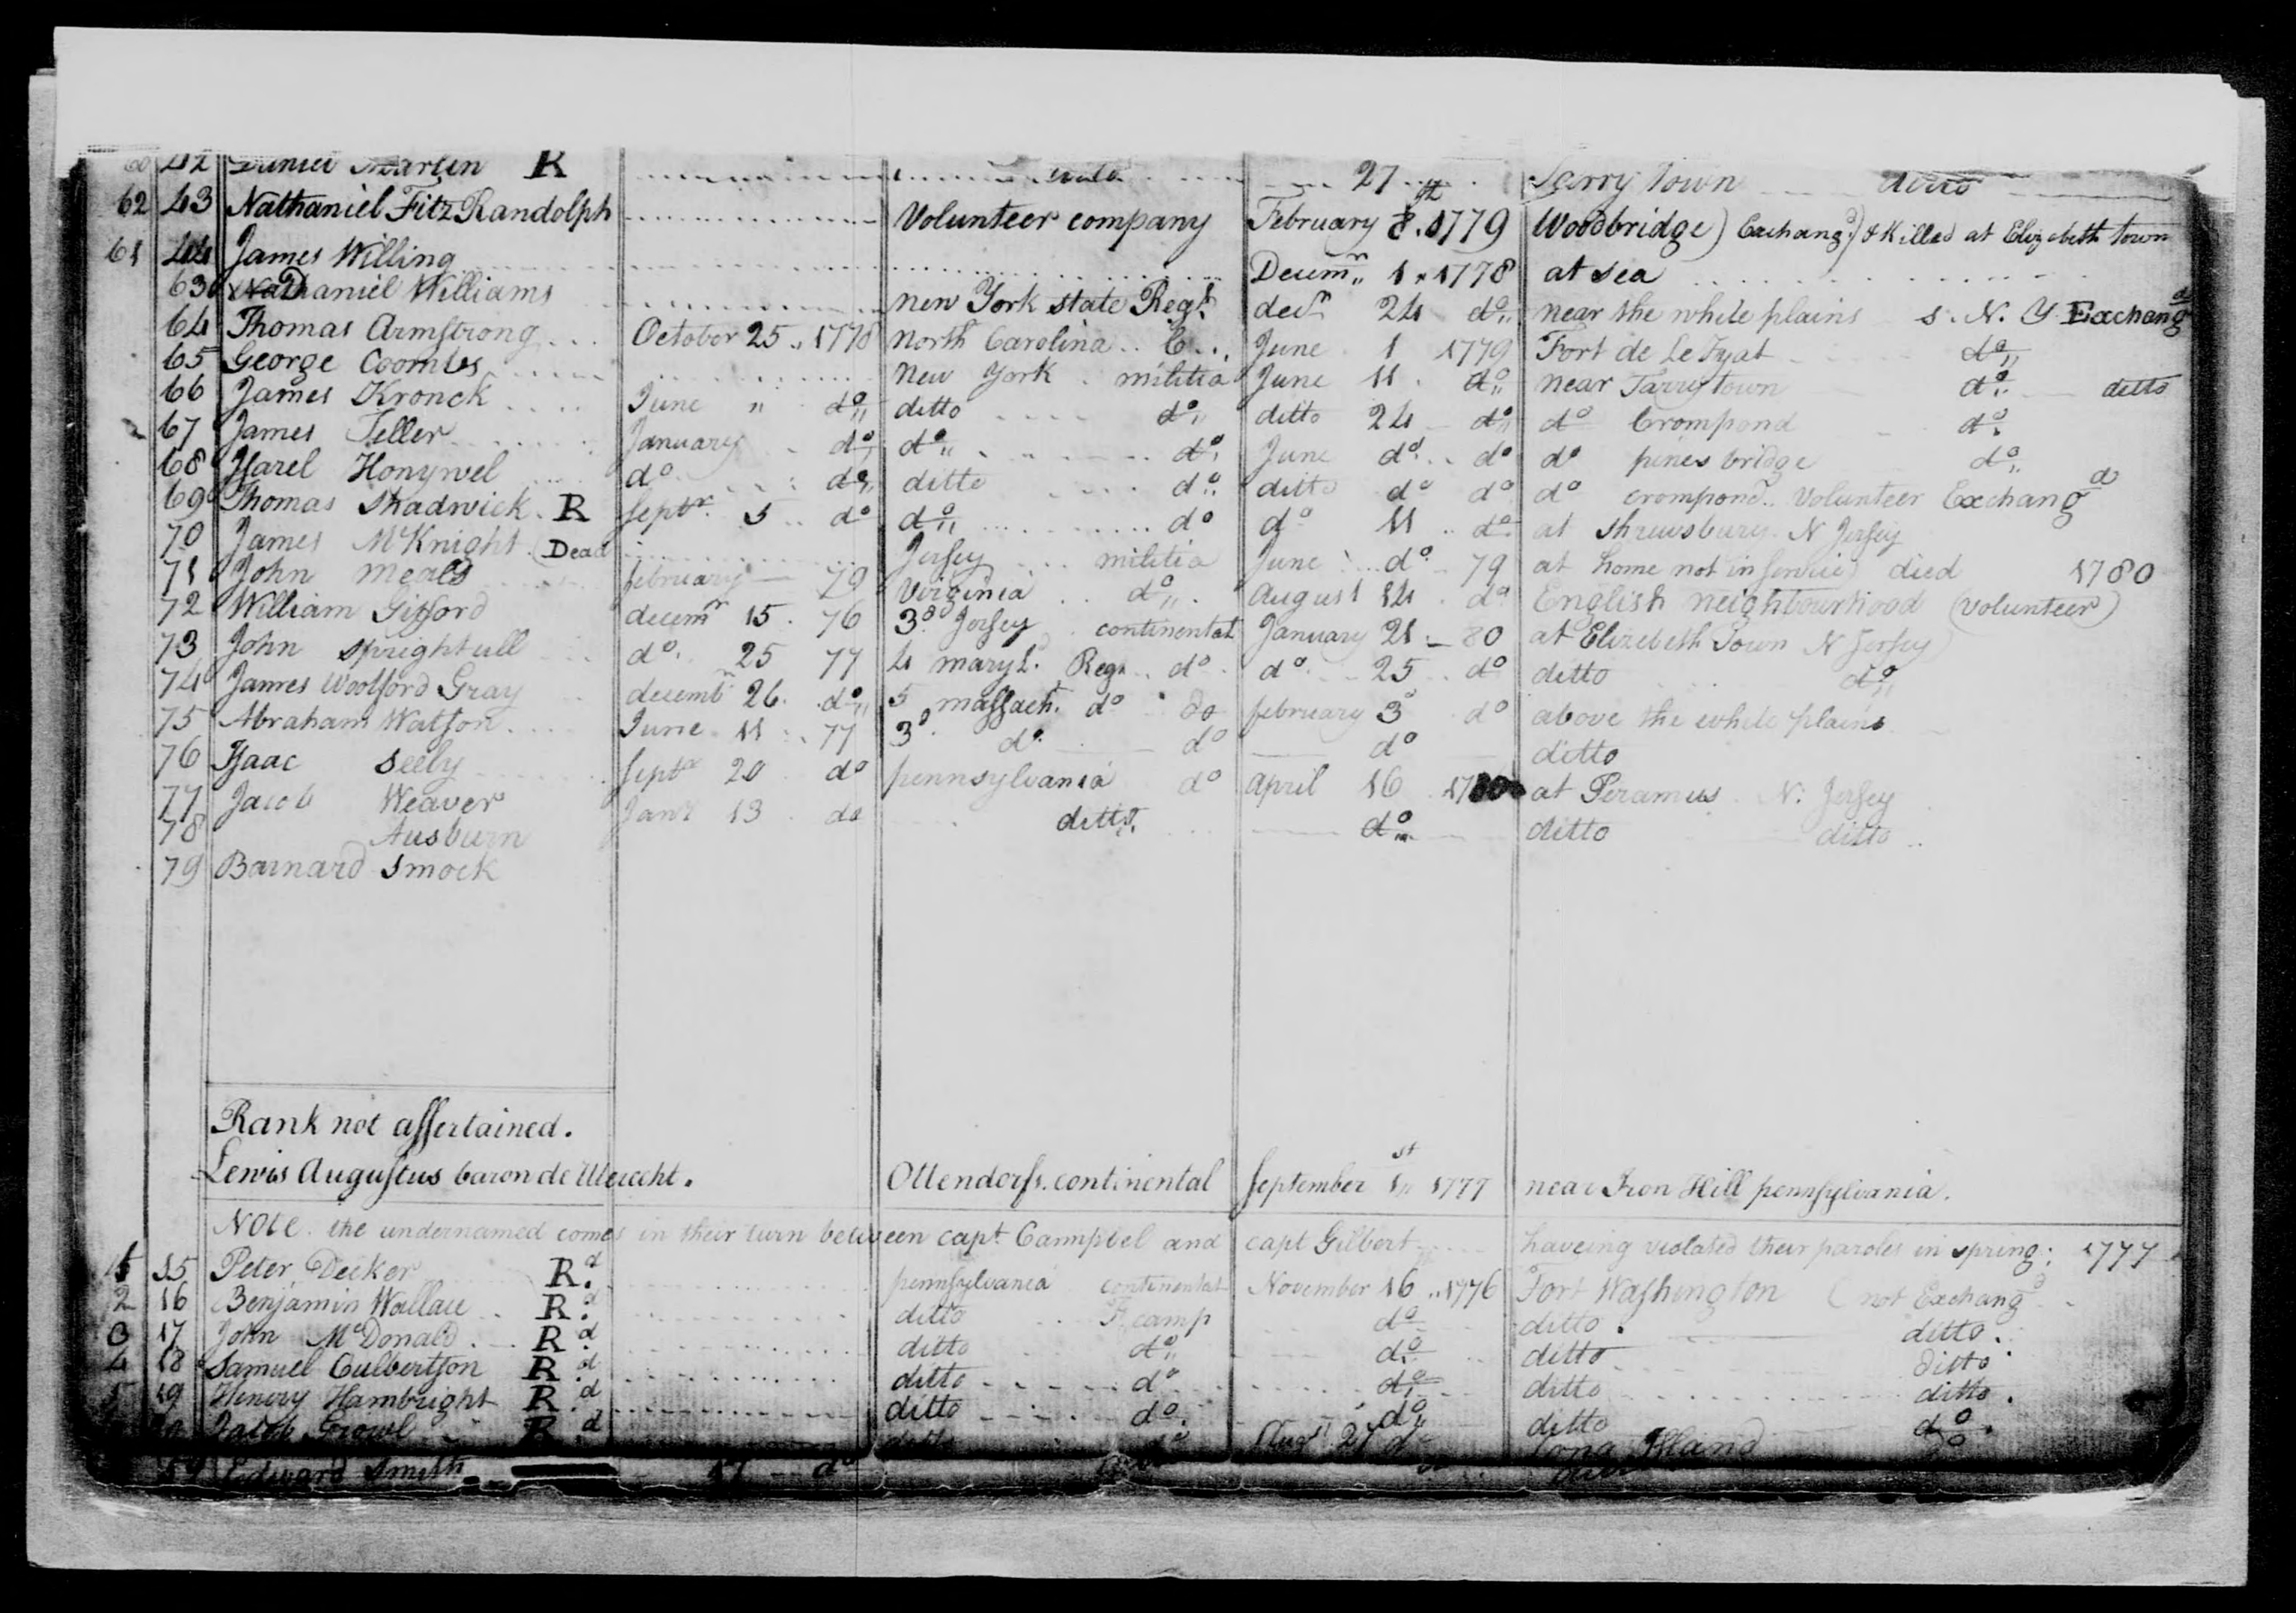[columns] 
60|42| [top of name is cutoff] R|.....|...[illegible] |...27...|Terry Town ditto. 
62|43|Nathaniel FitzRandolph|.....|Volunteer company| February 8, 1779| Woodbridge)Exchangd.)P killed at Elizabethtown.
61|44|James Willing|.....|.....|Decemr 1, 1778 | at sea...
63|Nathaniel Williams|.....|new York State Regt|decr 24 do"|near the white plains S. N. Y Exchangd.
64|Thomas Armstrong| October 25, 1778| North Carolina C.| June 1 1779| Fort de LeFyat do".
65| George Coombs| .....| New York militia| June 11 do"| near Tarrytown do" ditto.
66| James Kronck| June " do"|ditto do"|ditto 26 do"| do Crompond do"
67| James Teller| January do"| do" do"| June do" do| do Pinesbridge do"
68| Harel Honywel| do do| ditto do"|ditto do" do| do Crompond Volunteer Exchangd
69| Thomas Shadwick R | Sept 5 do| do" do| do 11 do| at Shrewsbury N Jersey
70| James McKnight (Dead)| .....| Jersey militia| June do 79| at home not in Service died 1780
71|John Merls| february 79| Virginia do"| August 14 do| English neighbourhood (volunteer)
72|William Gifford| decemr 15 76| 3rd Jersey continental| January 21. 80|  at Elizabeth Town N Jersey
73| John Sprightull| do 25 77| 4 Maryl. Reg. do| do 25 do| ditto do"
 74| James Woolford Gray| decembr 26 do| 5 Massach. do do| february 3d do| above the white plains
75| Abraham Watson| June 11 77| 3d do do| ..do| ditto
76| Isaac Seely| Sept 20 do| Pennsylvania do| April 16 1780| at Peramus N. Jersey
77| Jacob Weaver| Janr 13 do| ditto| do"| ditto ditto
78| Ausburn|
79|Barnard Smock| 
____________
Rank not assertained. 
Lewis Augustus baron de Merecht. | Ottenderfs. continental| September 1st 1777| near Iron Hill,  Pennsylvania. 
Note. the undernamed comes in their turn between capt. Campbel and capt. Gilbert...haveing violated their paroles in spring: 1777
1| 15| Peter Decker...Rd.|...| Pennsylvania continental| November 16 1776| Fort Washington (not Exchangd.
2| 16| Benjamin Wallace...Rd.|...| ditto..F. camp| do| ditto ditto.
3|17|John McDonald...Rd.|...|ditto do|do| ditto ditto.
4|18|Samuel Culbertson...Rd.|...|ditto do| do| ditto ditto.
5| 19| Henery Hambright...Rd.|...|ditto do| do| ditto do
20|Jacob Growl...Rd.|...ditto do| Augs 27 do| Long Island do
[illegible] Edward Smith [the remainder of this line is illegible]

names: Edward Smith, George Coombs, Hazel Honywel, Thomas Shadwick, Thomas Armstrong, Peter Decker, James Teller, James Willing, Henery Hambright, John Mc Donald, Jacob Growl, Samuel Culbertson, Ausburn, John Sprightull, Daniel Williams, Nathaniel Fitz Randolph, James Mc Knight, James Woolford Gray, Daniel Martin, James Kronck, William Gifford, Isaac Seely, Barnard Smock, Lewis Augustus, Jacob Weaver, Abraham Watson, John Meals, Benjamin Wallace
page: 22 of 57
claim: survivor's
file: S. 2161, Hezekiah Davies, Penn